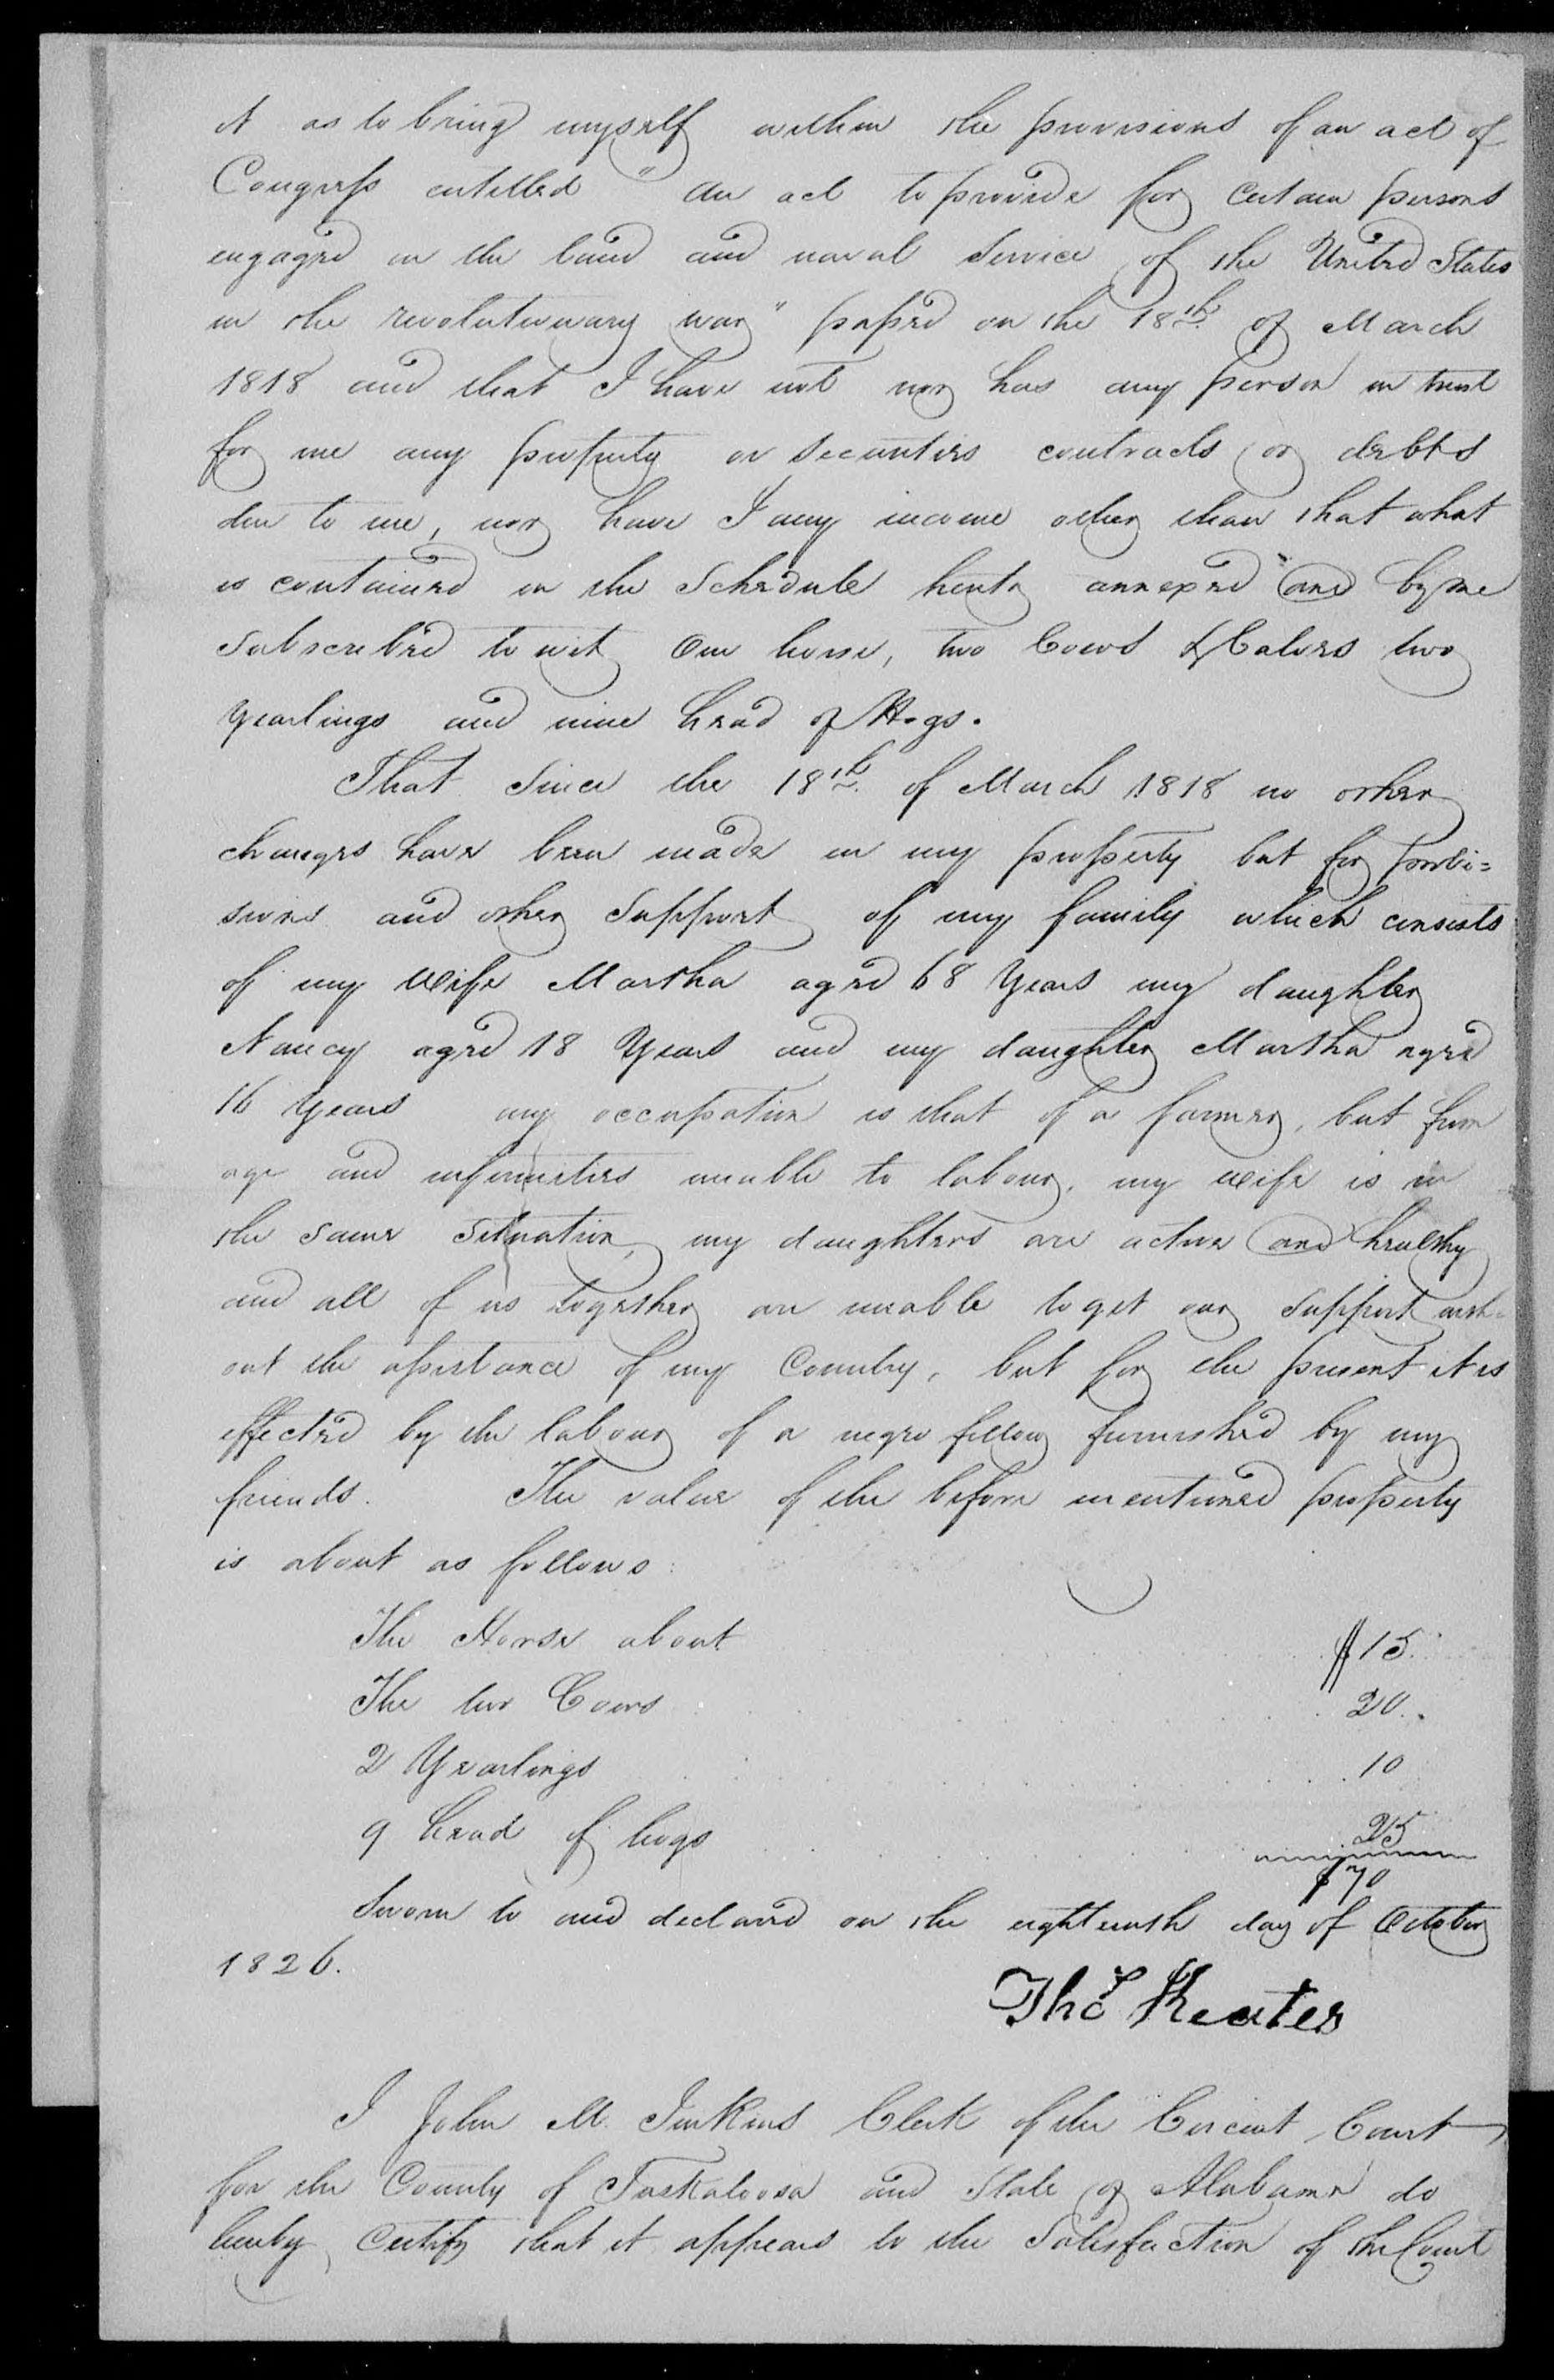it as to bring myself within the provisions of an act of 
Congress entitled "An act of provide for certain persons
engaged in the [illegible] and naval service of the United States
in the Revolutionary War" passed on the 18th of March
1818 and that I have not nor has any person in trust
for me any property [illegible] contracts or debts
is contained in the Schedule hereto annexed and by me
subscribed to wit our horse, two cows & calves two
yearlings and nine head of hogs.
That since the 18th of March 1818 no other
changes have been made in my property but for portions
and [illegible] support of my family which consists 
of my wife Marth aged 68 years my daughter
Nancy aged 18 years and my daughter Martha aged
16 years my occupation is that of a farmer, but from
age and infirmities unable to labour, my wife is in
the same situation, my daughters are active and healthy
and all of us together are unable to get our support without
the assistance of my Country, but for the present it is
effected by the labour of a negro fellow furnished by my
friends.  The value of the before mentioned property
is about as follows
The Horse about   $15.00
The two Cows        $20.00
2 Yearlings             $10.00
9 head of hogs      $25.00
Total      $70.00
Sworn to and declared on the eighteenth day of October 1826.
The Keates

I John M Jenkins Clerk of the Circuit Court
for the County of Taskaloosa  and State of Alabama do
hereby certify that it appears to the satisfaction of the Court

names: John M Jenkins; Martha [BLANK]; Nancy [BLANK]; Thos Keates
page: 7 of 25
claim: survivor's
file: S. 38109, for Thomas Keates, Maryland